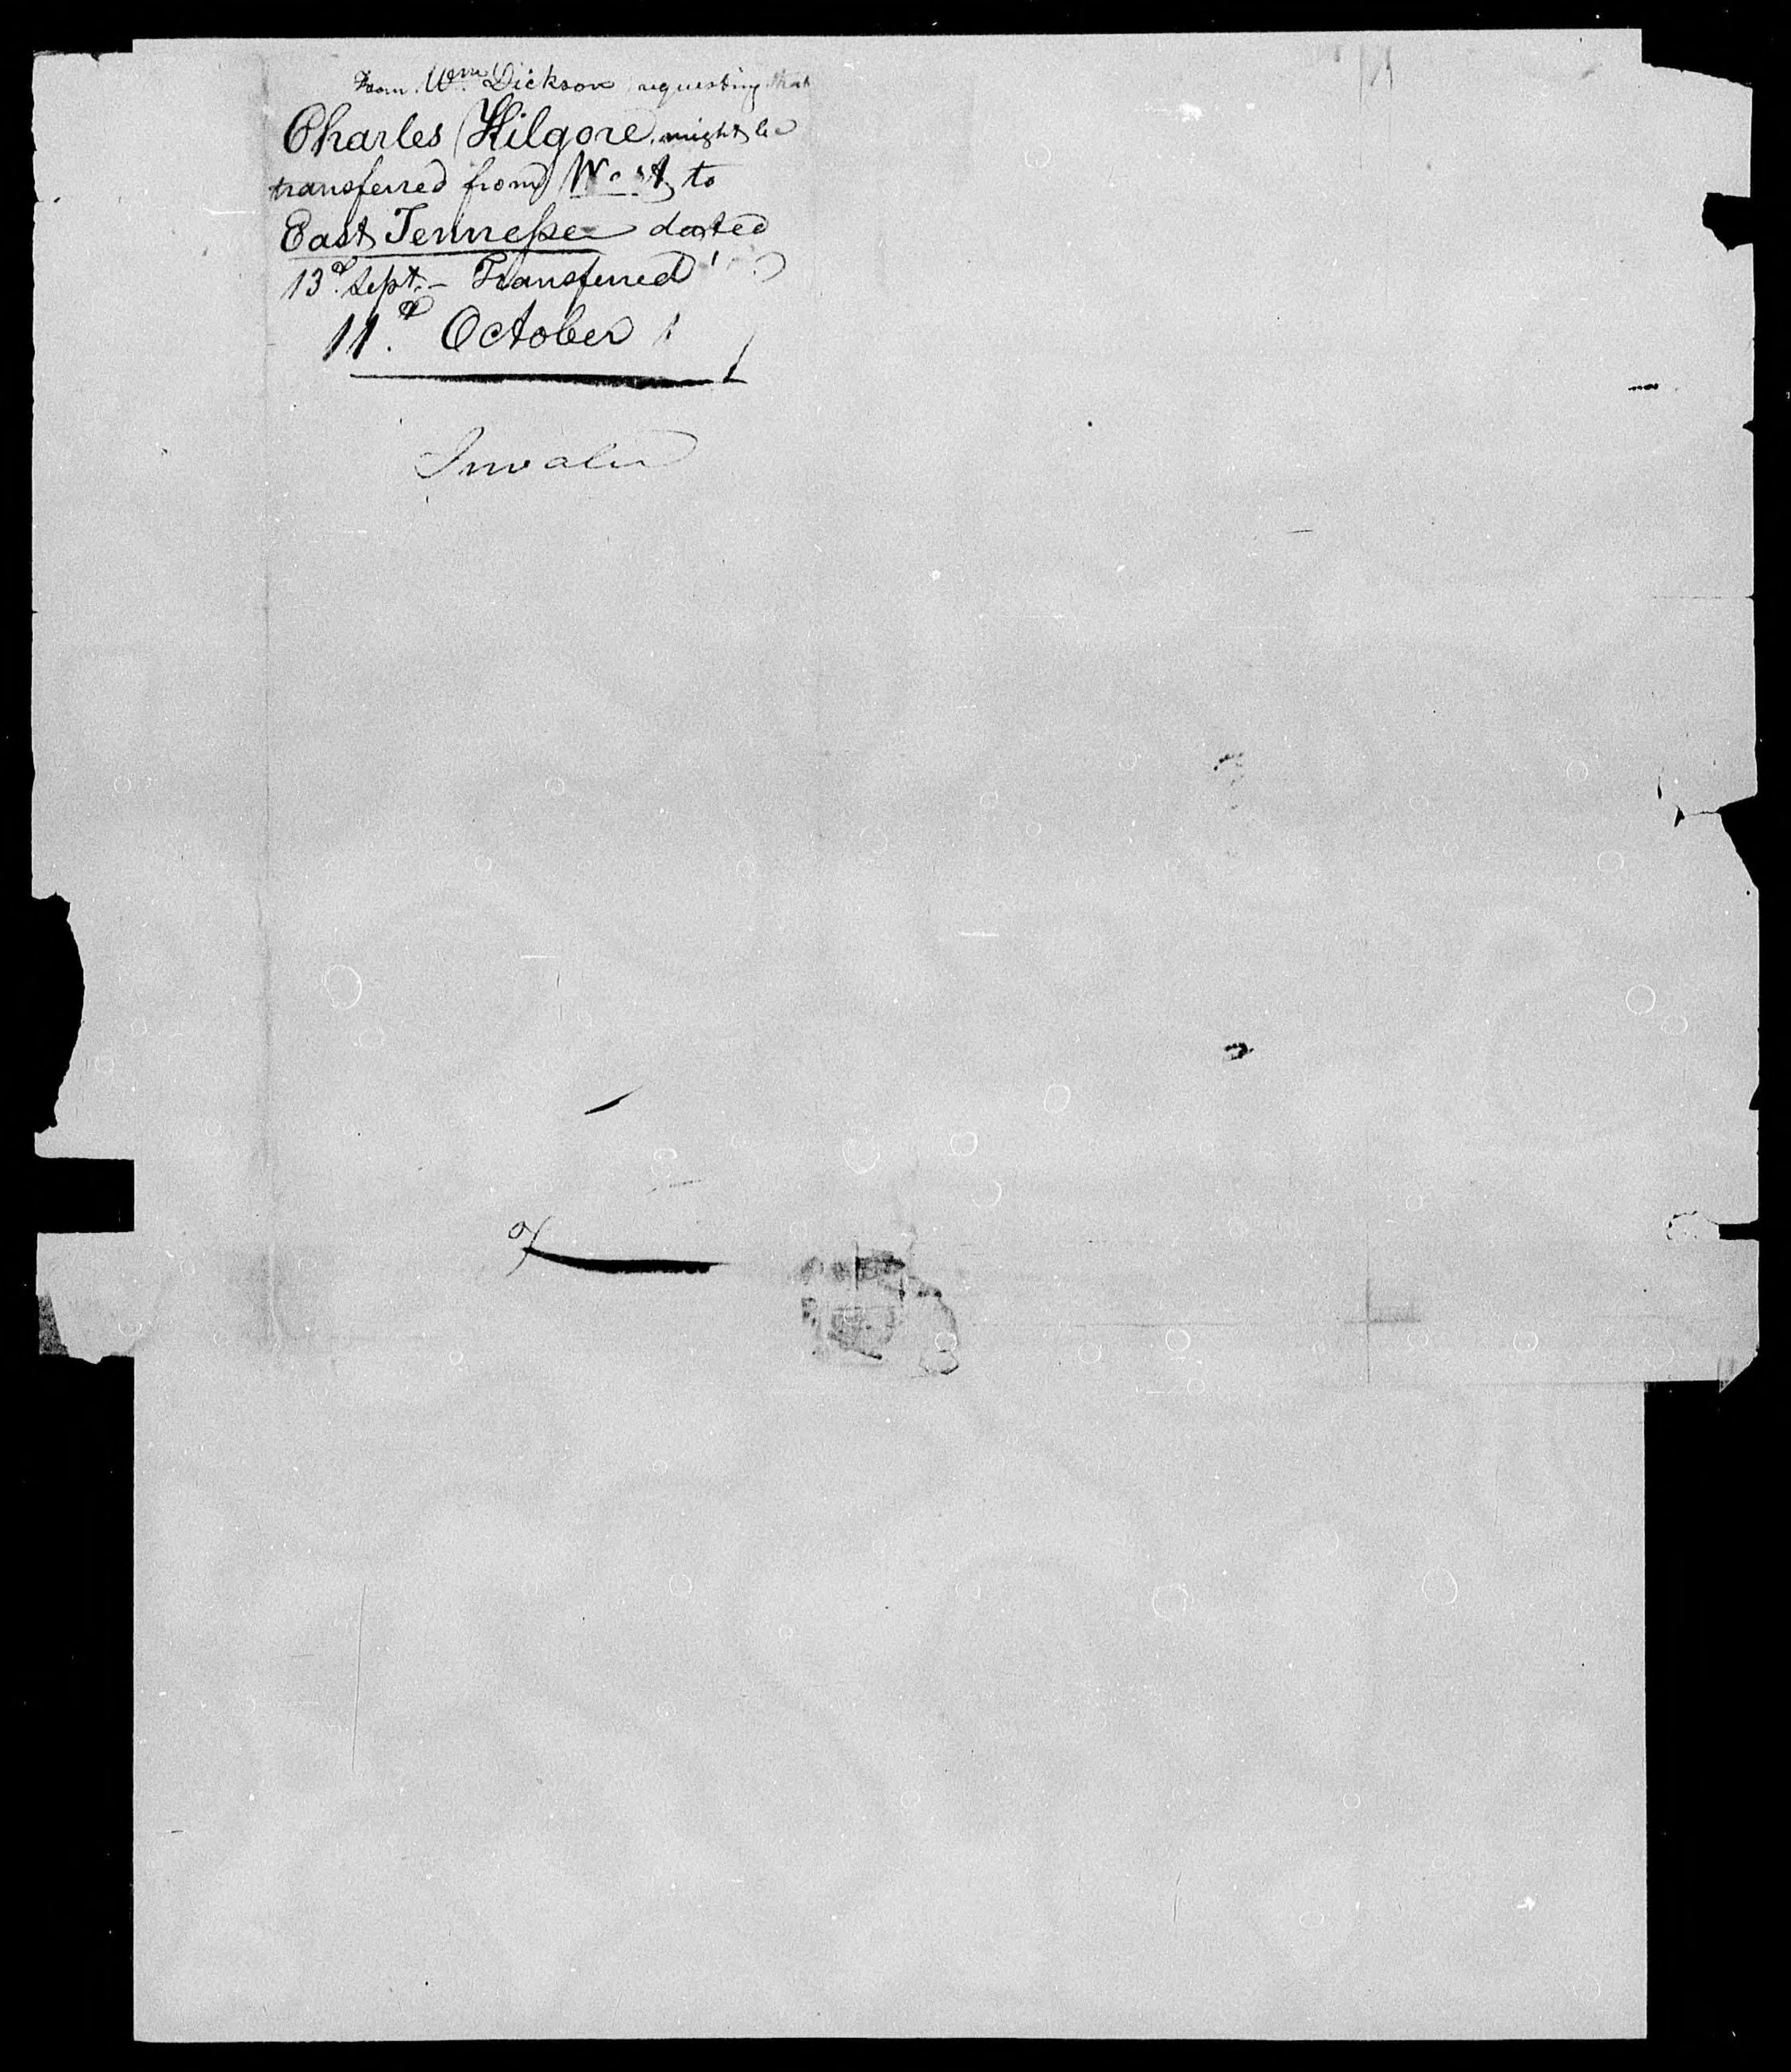From Wm. Dickson requesting that Charles Kilgore might be transferred from West to East Tennessee dated 13th. Sept. Transferred 11th. October 1[text missing]
Invalid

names: Wm Dickson; Charles Kilgore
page: 2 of 115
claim: survivor's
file: S. 699, for Charles Kilgore, Virginia